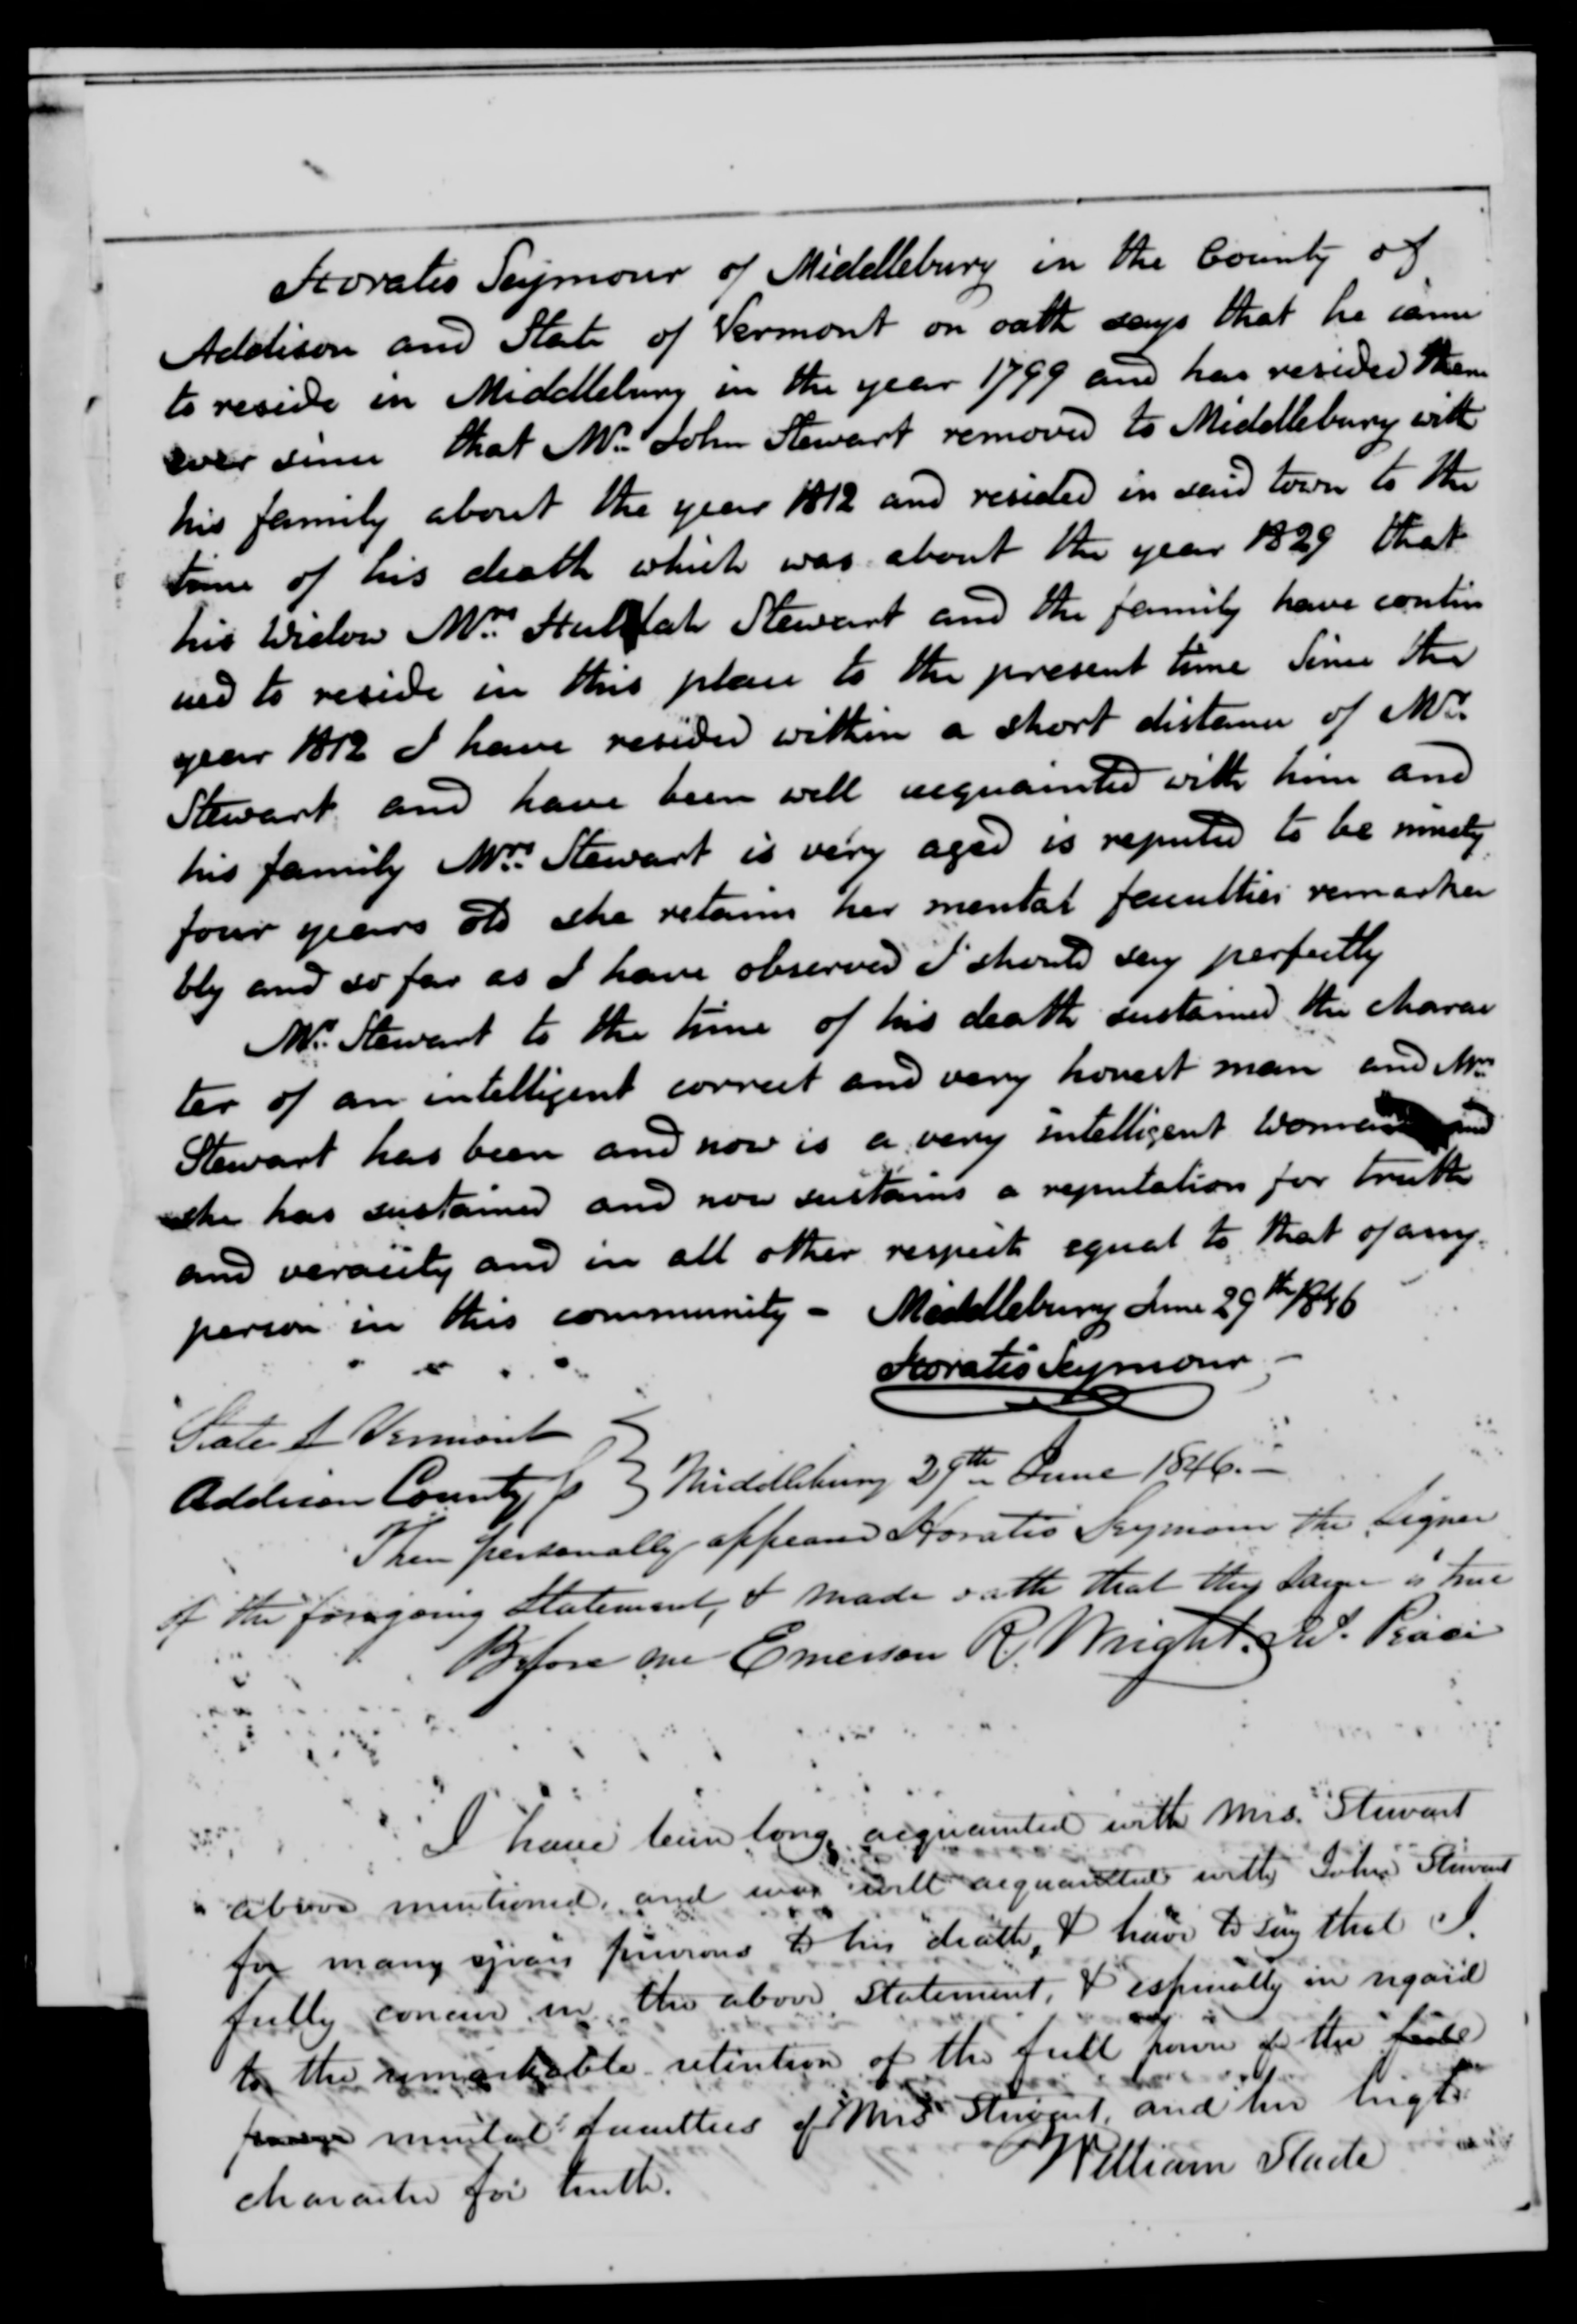Horatio Seymour of Middlebury in the County of
Addison and State of Vermont on oath says that he came to
reside in Middlebury in the year 1799 and has resided there
ever since that Mr John Stewart removed to Middlebury with
his family about the year 1812 and resided in said town to the
time of his death which was about the year 1829 that
his widow Mrs Huldah Stewart and the family have continued to reside in this place to the present time since the
year 1812 I have resided within a short distance of Mr
Stewart and have been well acquainted with him and
his family Mrs Stewart is very age is reputed to be ninety
four years old she retains her mental faculties remarkedly and so far as I have observed I should say perfectly
Mr Stewart to the time of his death sustained the character of an intelligent correct and very honest man and Mrs
Stewart has been and now is a very intelligent women
she has sustained and now sustains a reputation for truth
and veracity and in all other resuit equal to that of any
person in this community. Middlebury June 29th 1846
Horatio Seymour
State of Vermont
Addison County Middlebury 29th June 1846.
Then personally appeared Horatio Seymon the Signer
of the foregoing statement, & made oath that the same true
Before one Emerson R. Wright J Peace
I have been long acquainted with Mrs Stewart
above mentioned, and was well acquainted with John Stewart
&
for many years previous to his death & have to say that I
fully concur in the above statement, & especially in regard
to the remarkable retention of the full power of the
[illegible] families of Mrs Stewart and her high
character for truth
William State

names: [BLANK] Stewart; [BLANK] Stewart; Huldah Stewart; John Stewart; [BLANK] Stewart; Horatio Seymour; Horatio Seymour; William Slade; [BLANK] Stewart; Horatio Seymour; [BLANK] Stewart; John Stewart; [BLANK] Stewart; Emerson R Wright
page: 17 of 26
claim: rejected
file: R. 10,154, for John Stewart, New Hampshire